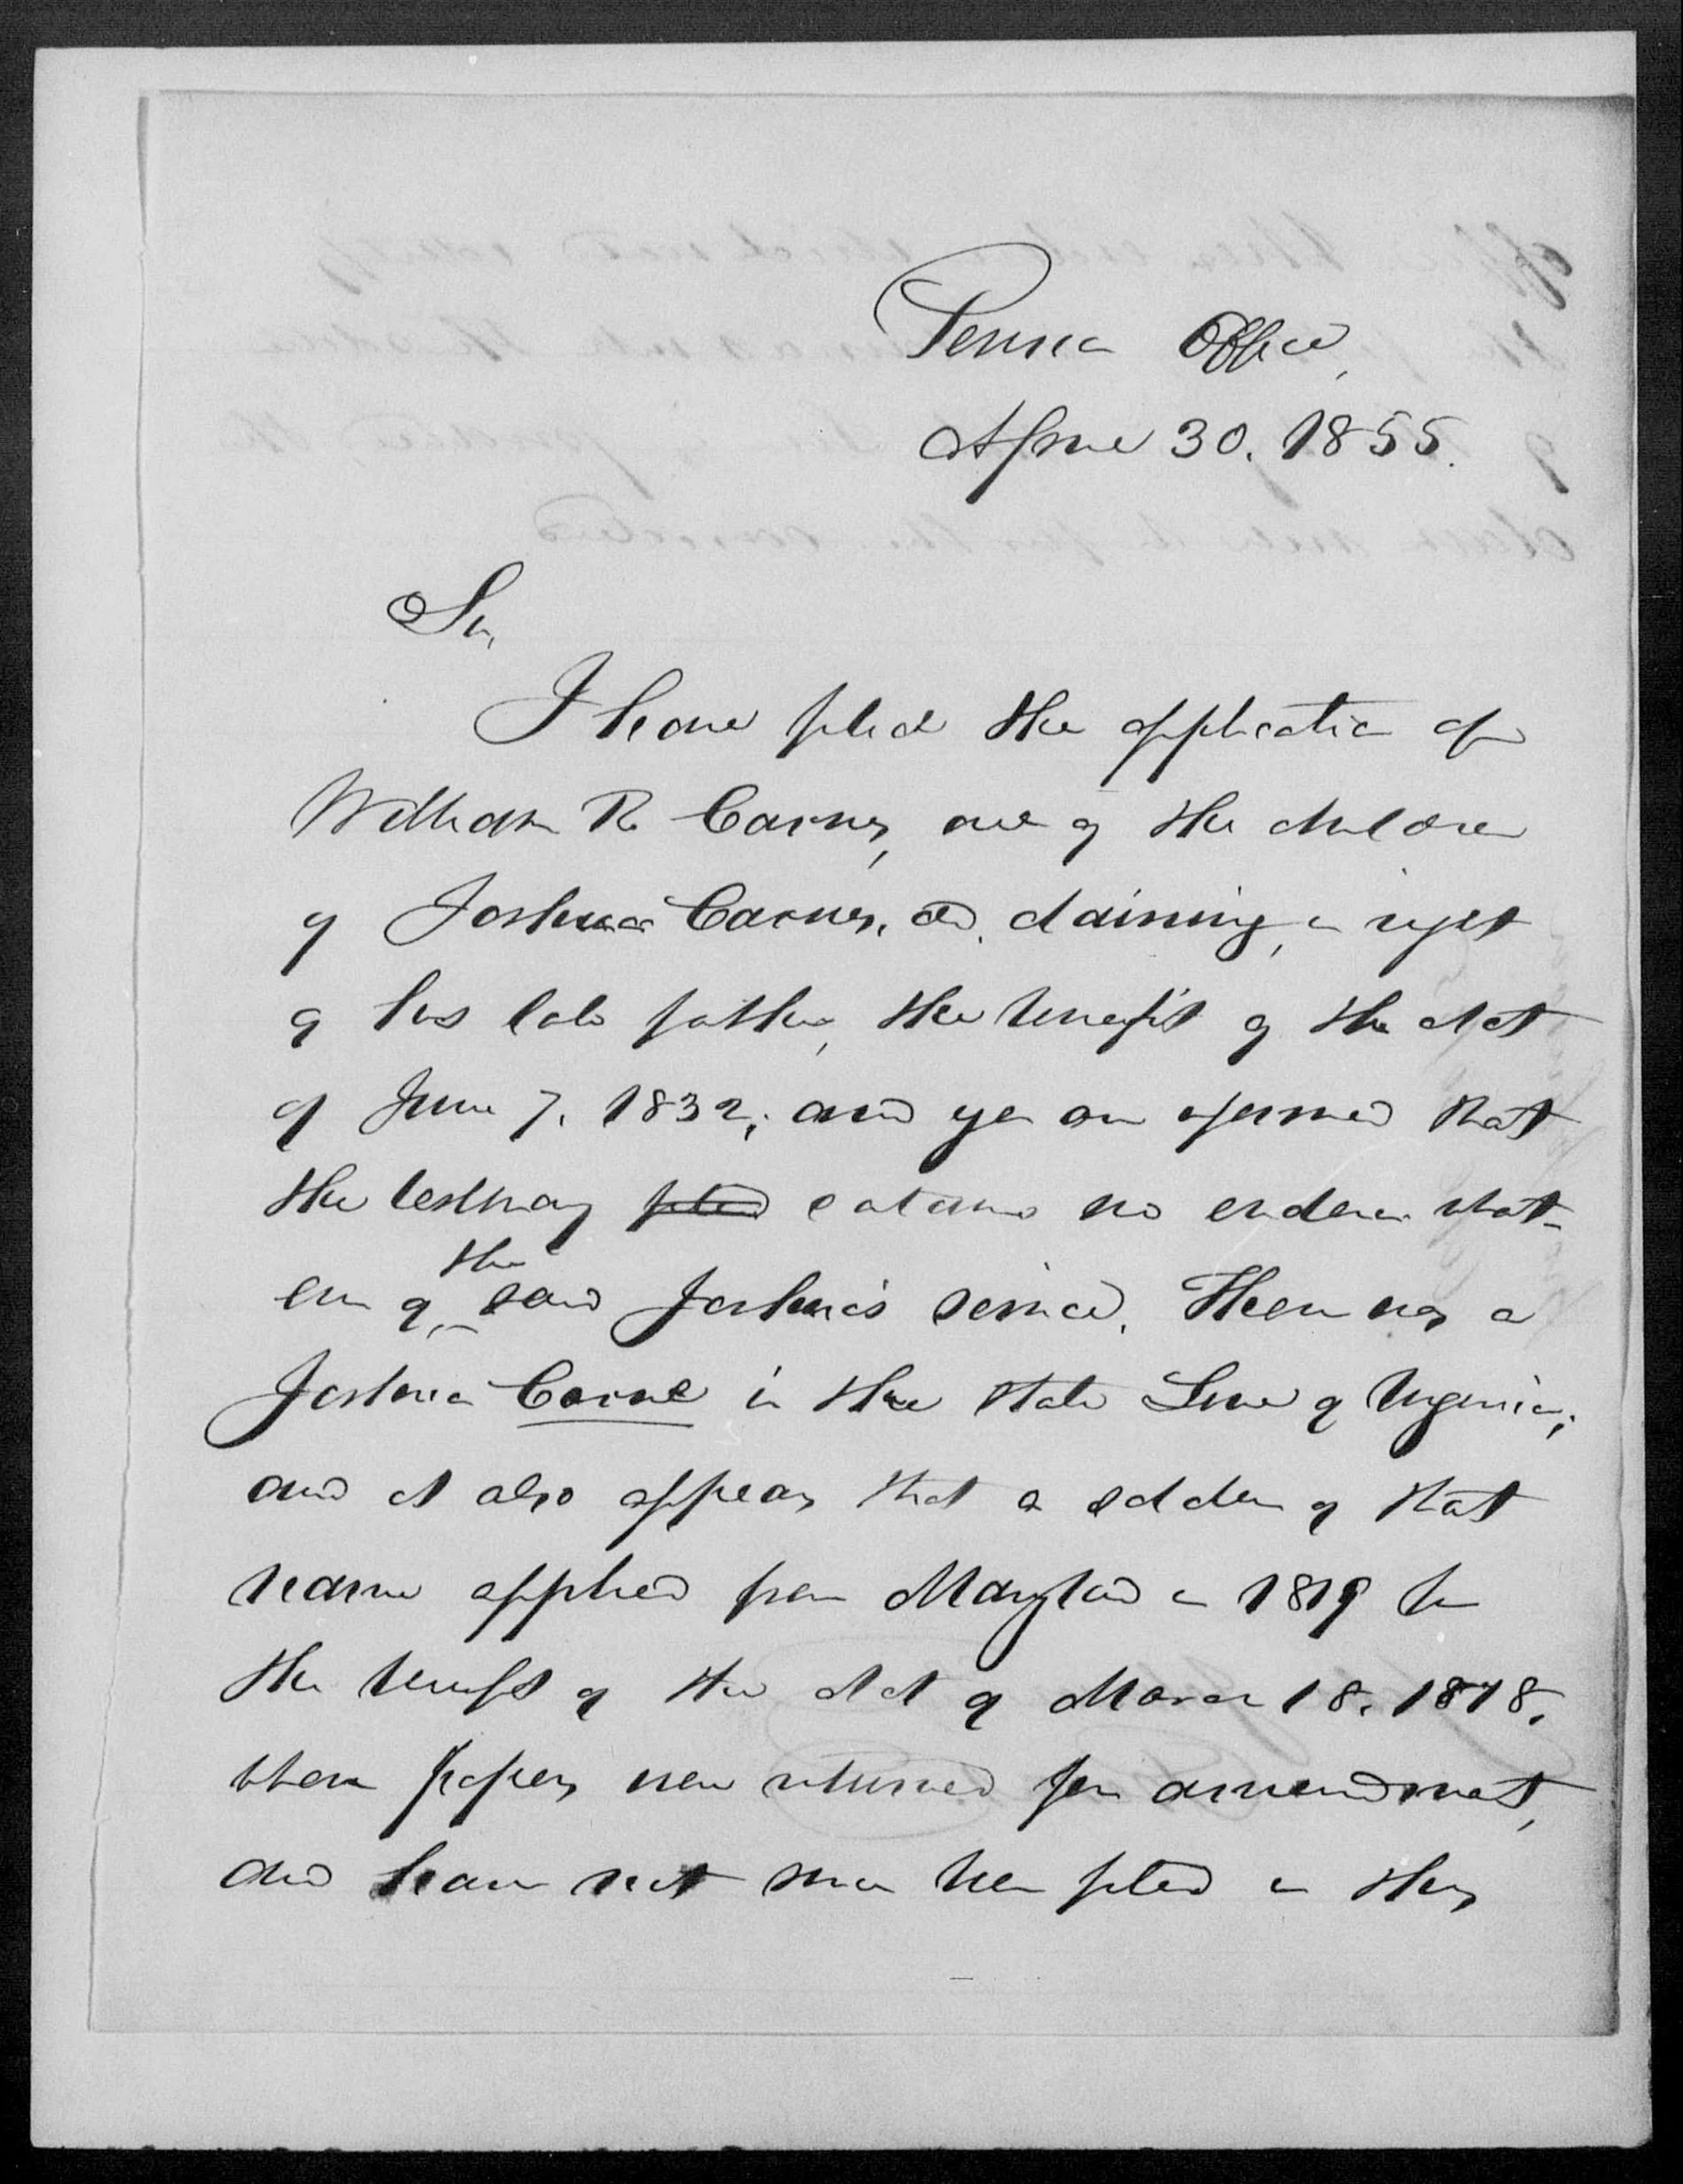Pension Office
April 30. 1855

Sir
I have filed the application of
William R. Carnes, one of the children
of Joshua Carnes claiming a right
of his late father the benefit of the Act
of June 7, 1832, [] that ye are informed
the [] [cross-out] [] that
the
[] 9th said [] service.  There was a
Joshua Carne [underlined] in the state line of Virginia,
and it also appears that a soldier of that
name applied from Maryland in 1819 []
the [] of the Act of March 18, 1818.
when [] returned for []
and [] they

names: Joshua Carnes, Joshua Carne, William R Carnes, Joshua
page: 16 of 22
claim: rejected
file: R 1709, Joshua Carnes, Va.